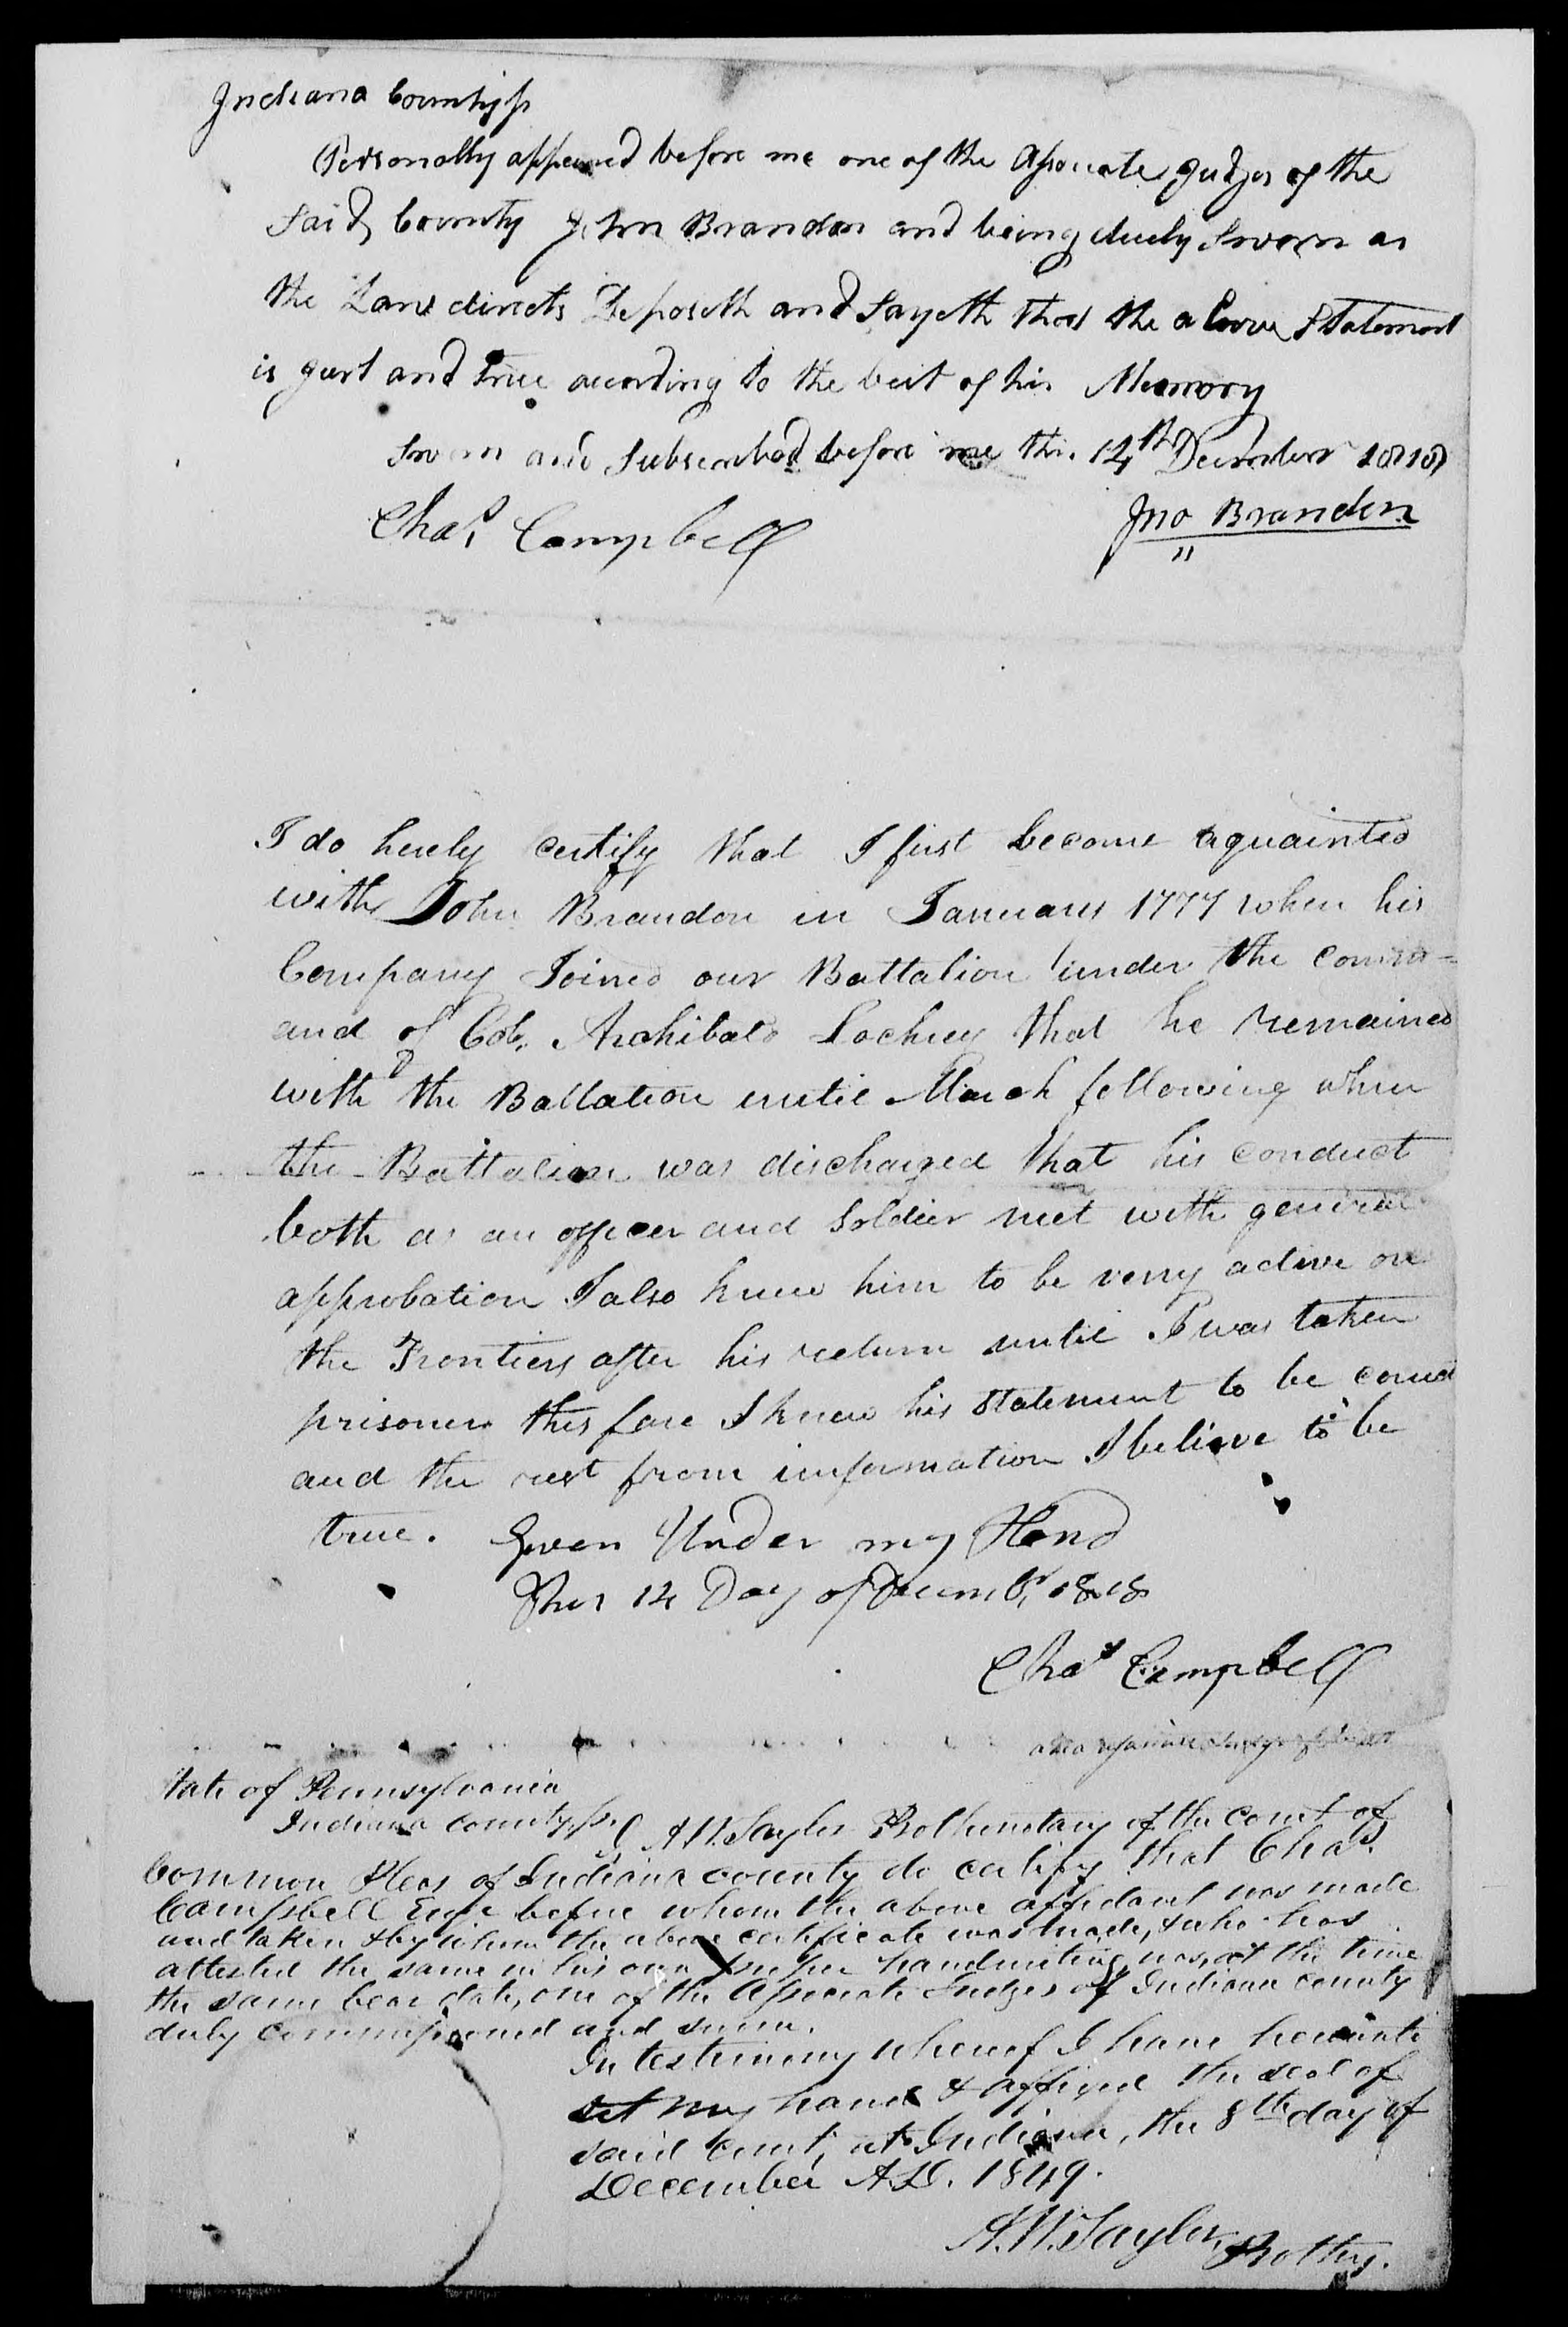Indiana County ss
Personally appeared before me one of the associate Judge of the Said County John Brandon and being duly Sworn as the Law directs Deposeth and Sayeth that the above Statement is just and true according to the best of his Memory
Sworn and Subscribed before me this 12th December 1818
Chas. Campbell     Jno Brandon

I do hereby certify that I just became acquainted with John Brandon in January 1777 when his Company Joined our Battalion under the Command of Col. Archibald Lochry that he remained with the Battalion until March following when the Battalion was discharged that his conduct both as an officer and Soldier met with general approbation I also have him to be very active on the Frontiers after his return until I was taken prisoner this fare I know his statment to be correct and the rest from information I believe to be true.
Sworn under my Hand this 14 day of December 1818
Chas Campbell

[illegible]
State of Pennsylvania
Indiana County, ss.
I, A W Taylor Prothonotary of the Court of Common Please of Indian county do certify that Chas. Campbell Esq before whom the above affidavit was made and taken & by whom the above certificate was made, & who has attested the same in his own proper handwriting was, at the time the same bear date, one of the Associate Judges of Indiana county duly commissioned and sworn
In testimony whereof I have hereunto set my hand & affixed the seal of said court, at Indian, the 8th day of December A.D. 1849.
A.W. Taylor
Prothry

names: A W Taylor, Jno Brandon, Chas Campbell, A W Taylor, Chas Campbell, Chas Campbell, Archibald Lochrey, John Brandon, John Brandon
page: 10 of 83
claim: widow's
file: W. 5946, John Brandon, Penn